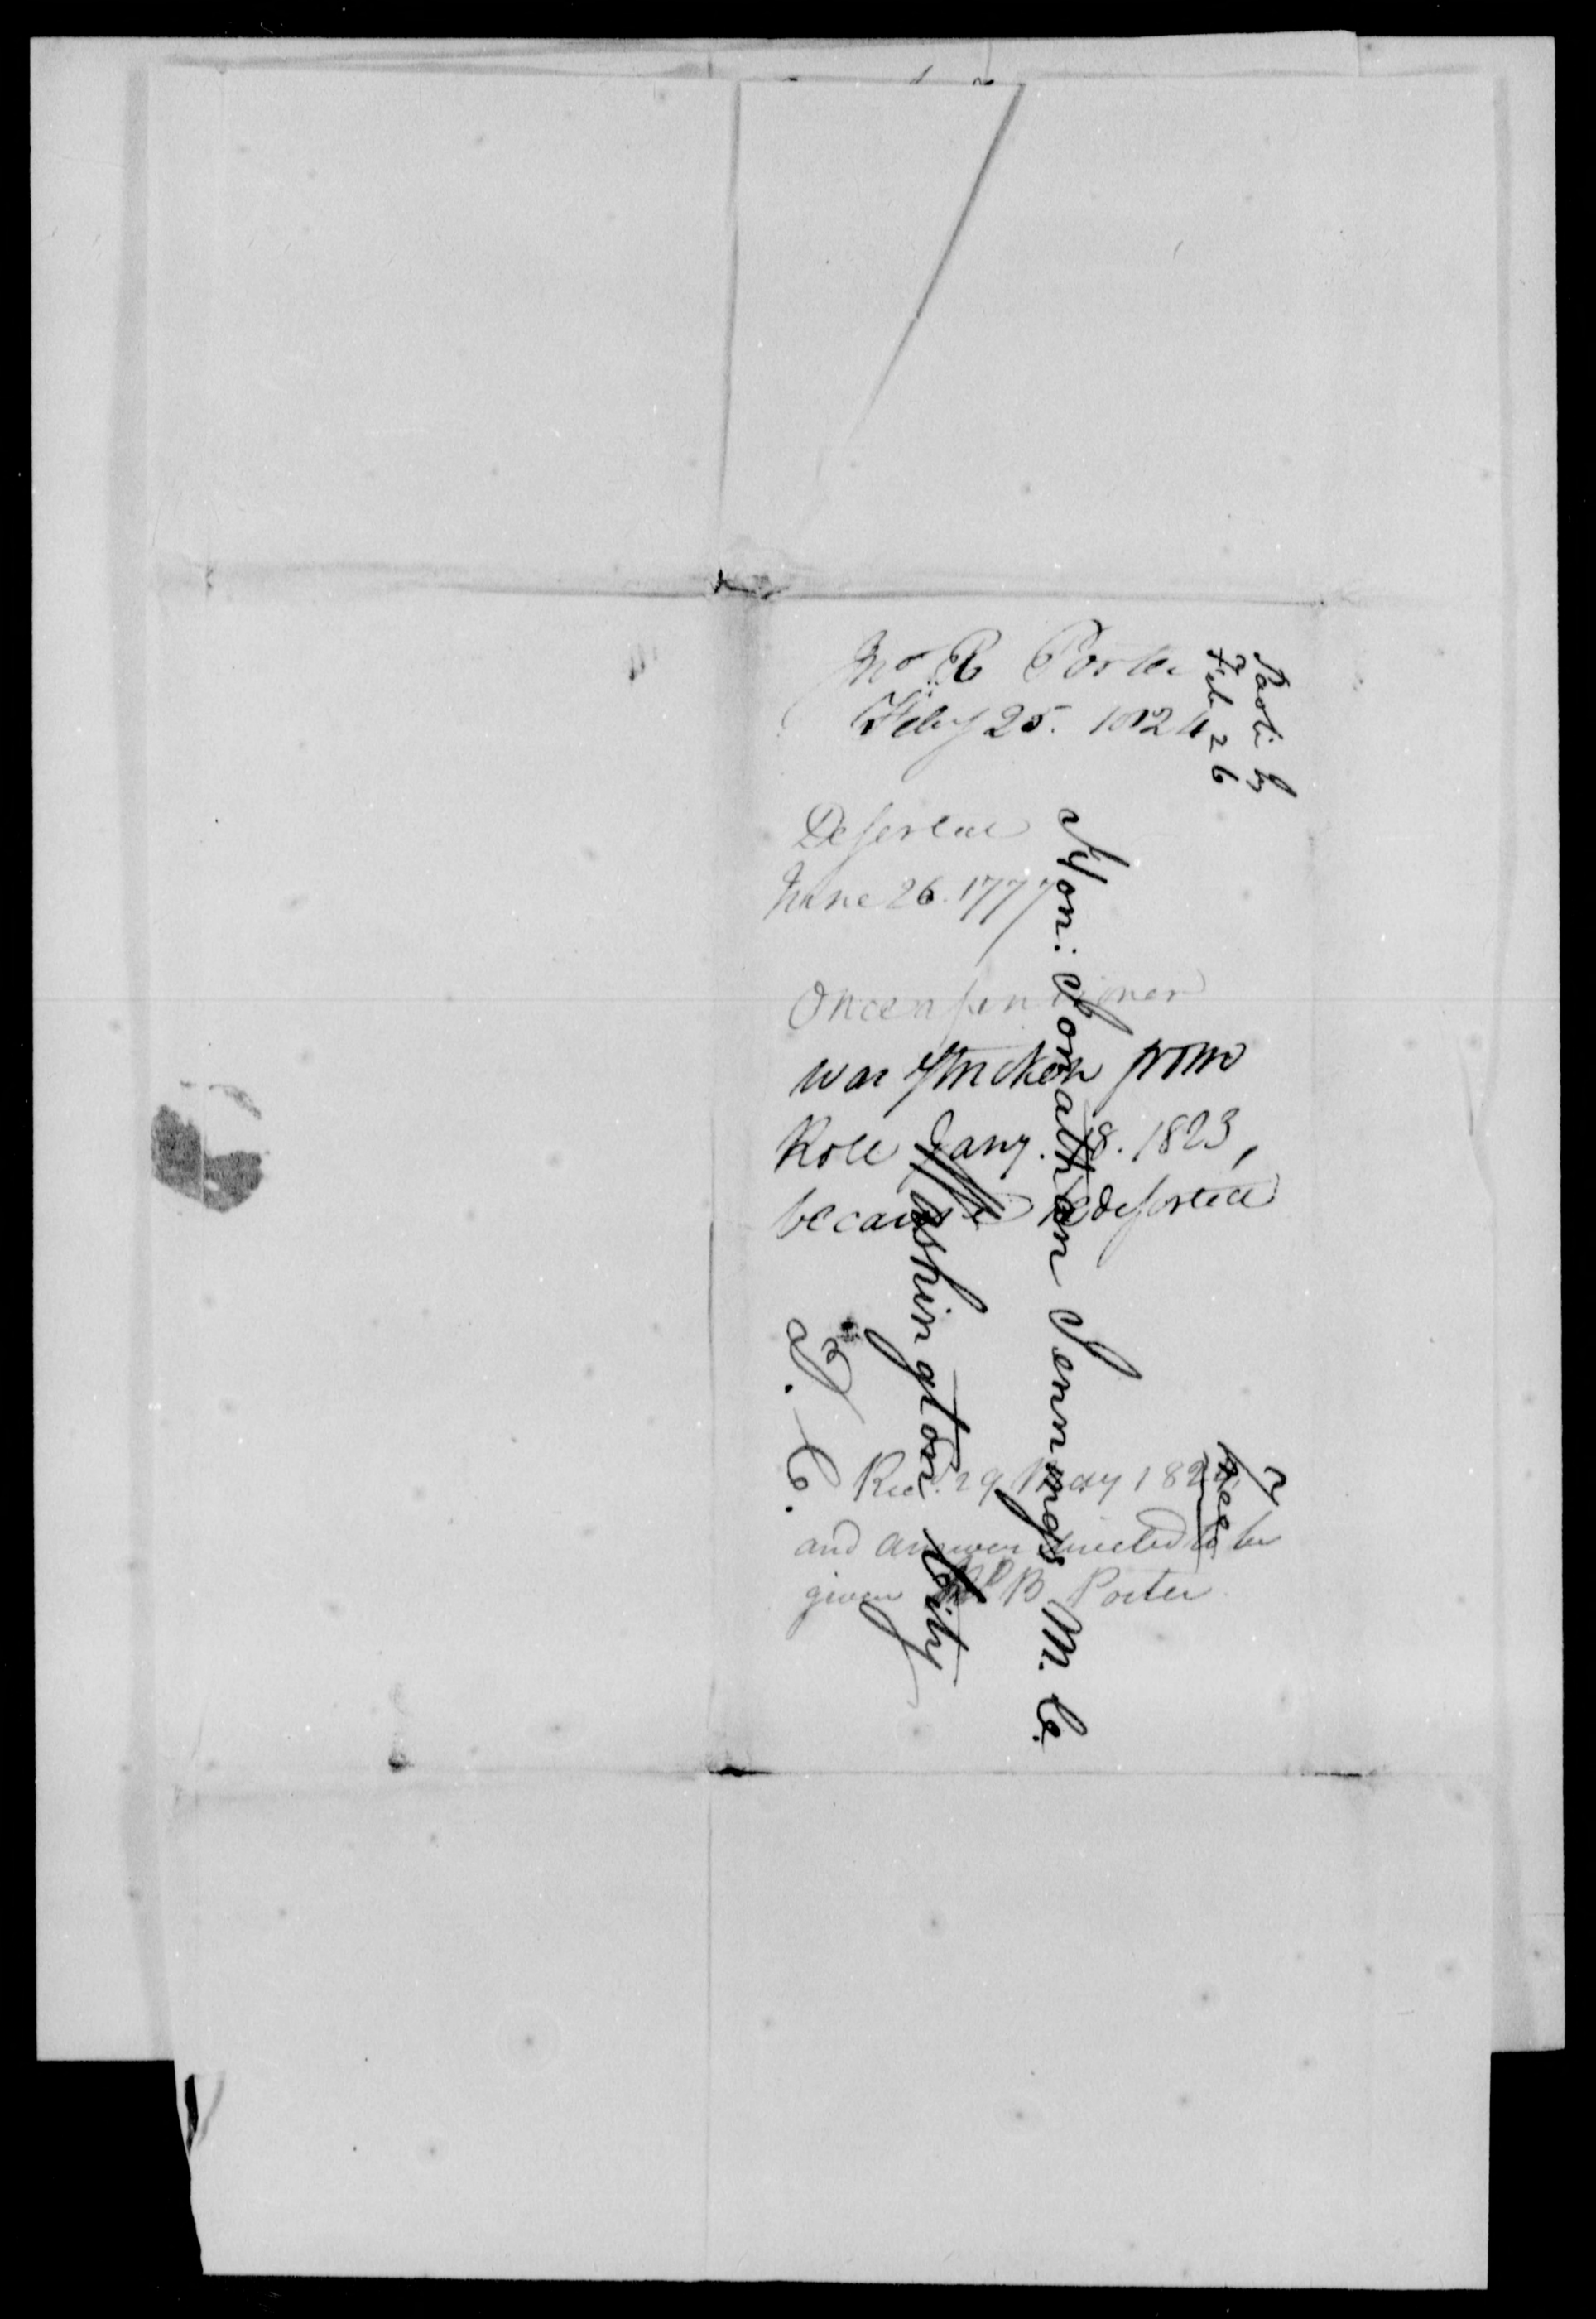Jno B Porter
Feby 25. 1824

Deserted
June 26.1777

Once pensioner
war of (illegible)
Roll Jany 18 1823
because deserted

Rec. 29 May 1824
and answer directed to his given Jno B Porter 

(written in opposite direction)
Hon. Jonathan Jennings M.C.
Washington City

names: Jonathan Jennings; Jno B Porter; Jno R Porter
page: 19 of 20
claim: survivor's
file: S. 36,783, for George Sparling, New Jersey